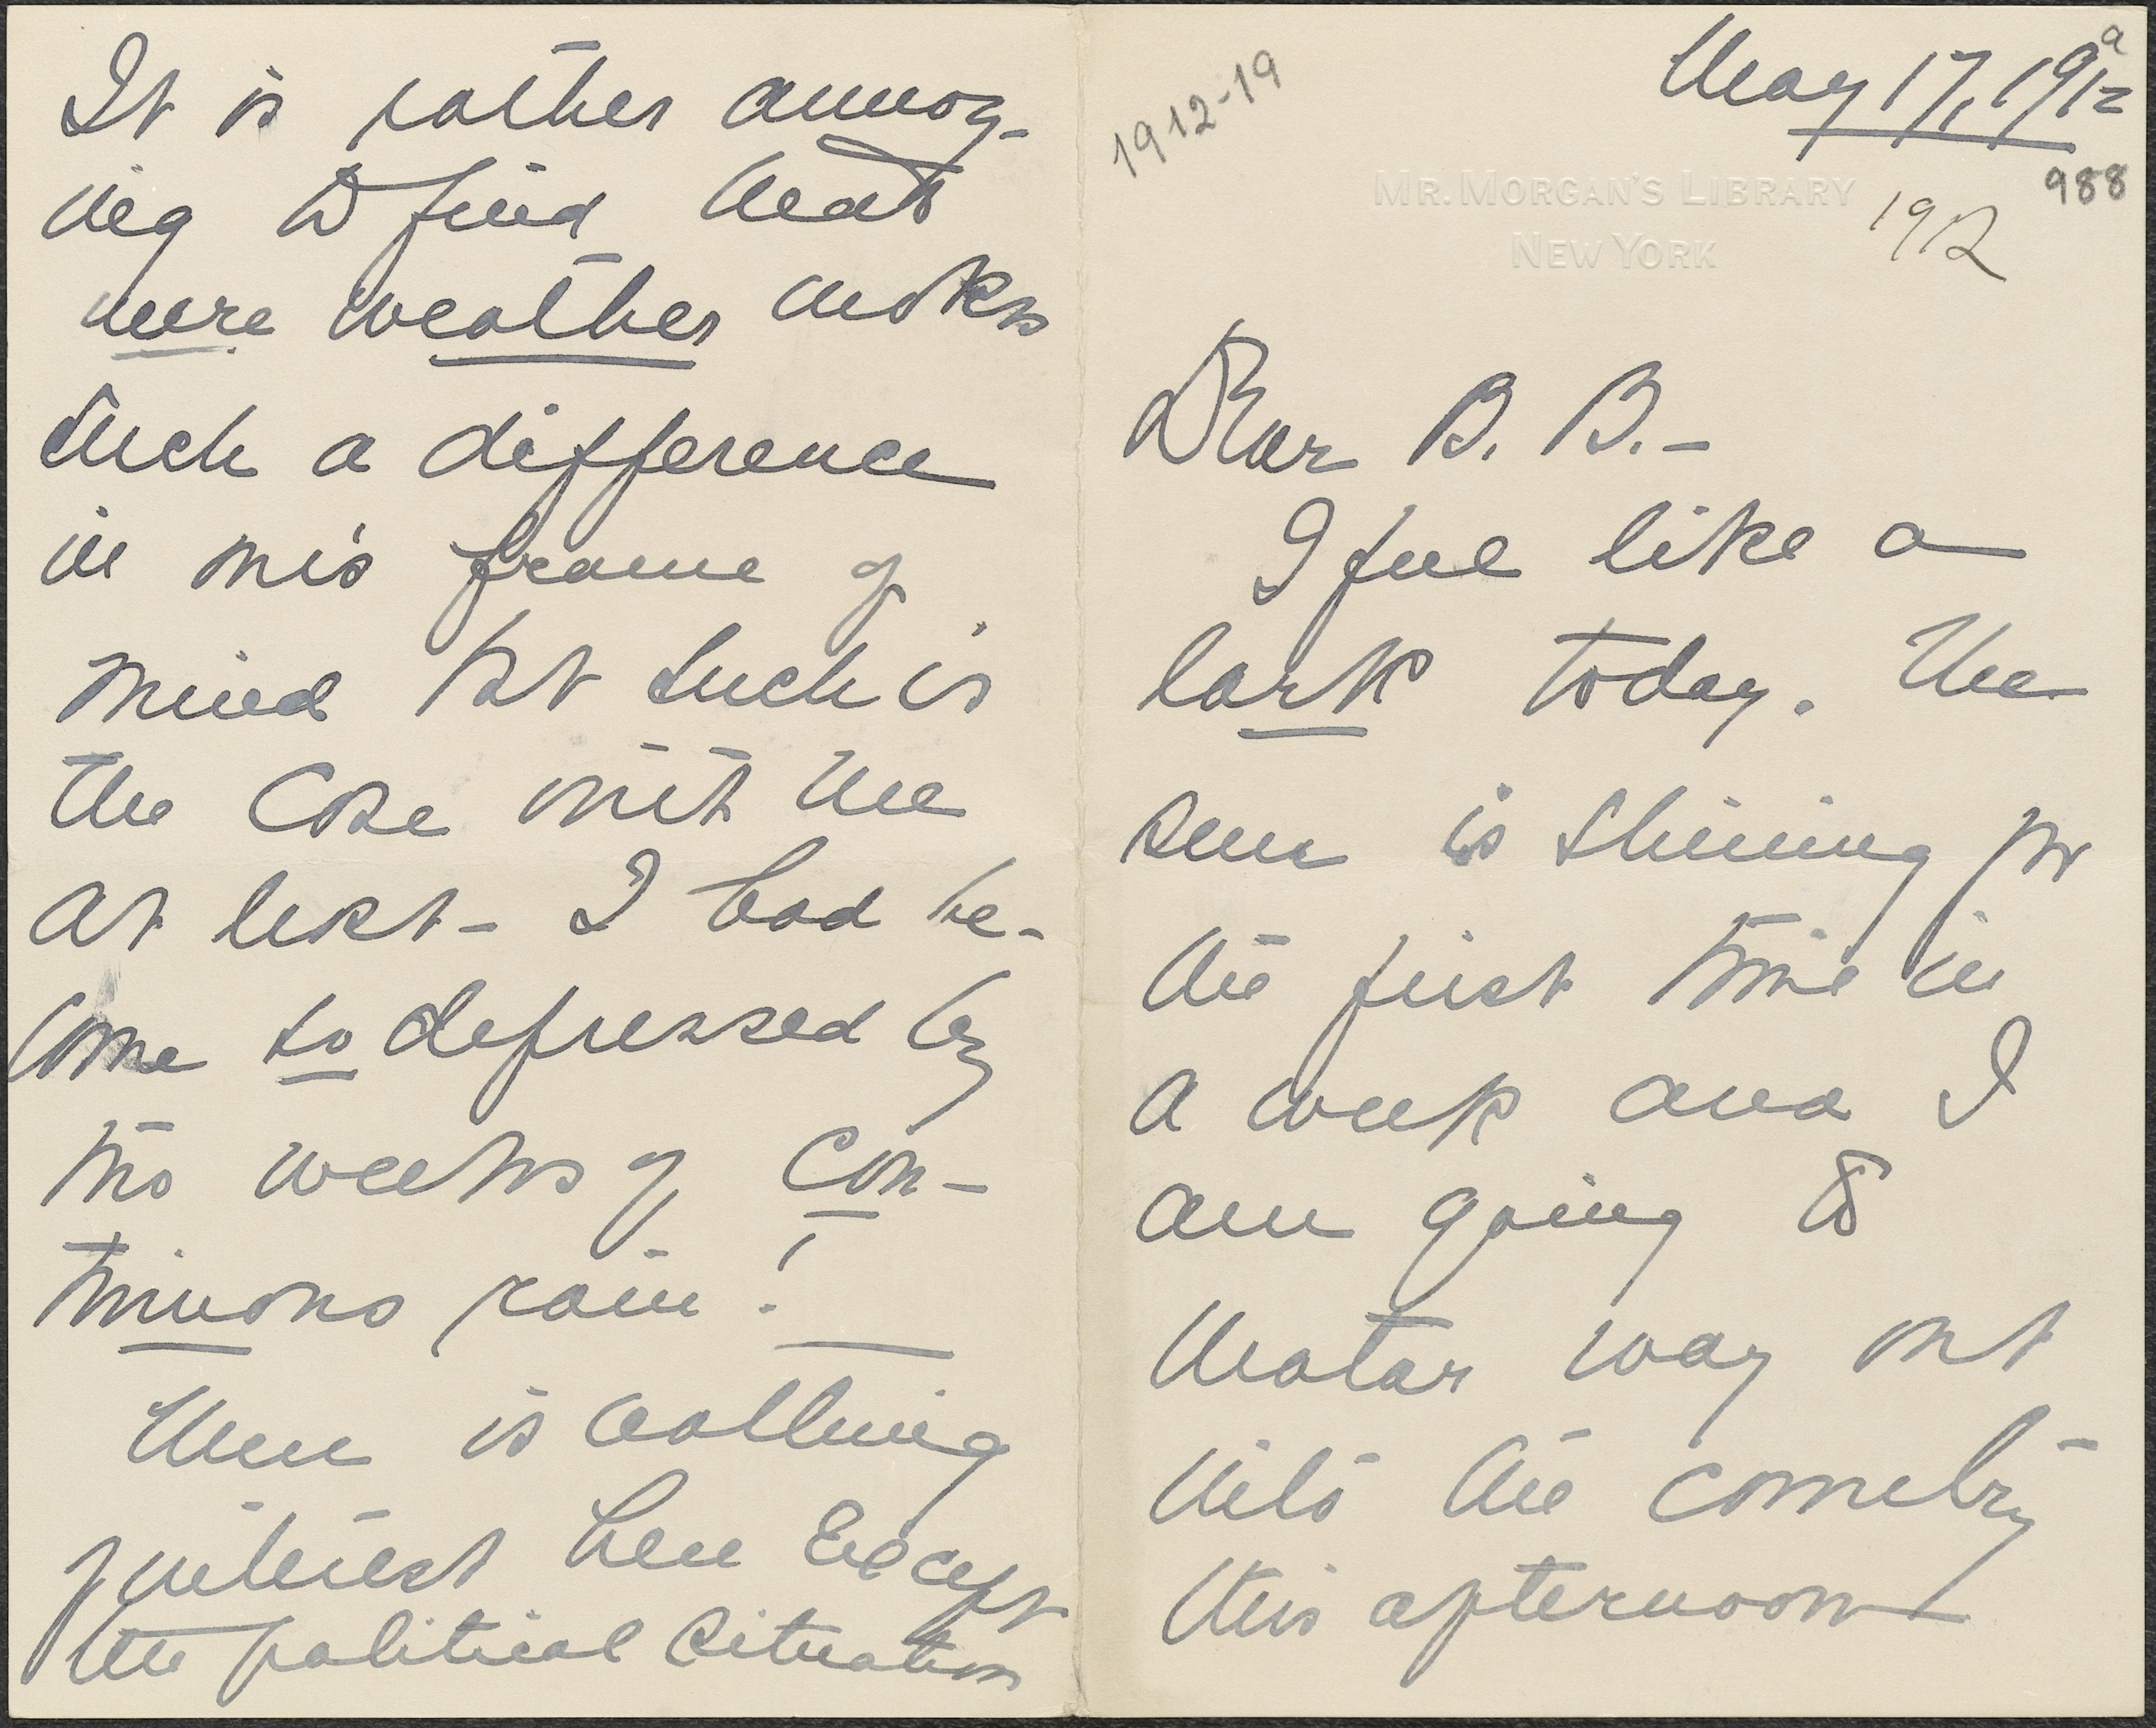May 17, 1912
Dear B. B. –
I feel like a lark today. The sun is shining for the first time in a week and I am going to motor way out into the country this afternoon
It is rather annoying to find that mere weather makes such a difference in one’s frame of mind but such is the case with me at least – I had become so depressed by two weeks of continuous rain!
There is nothing of interest here except the political situation